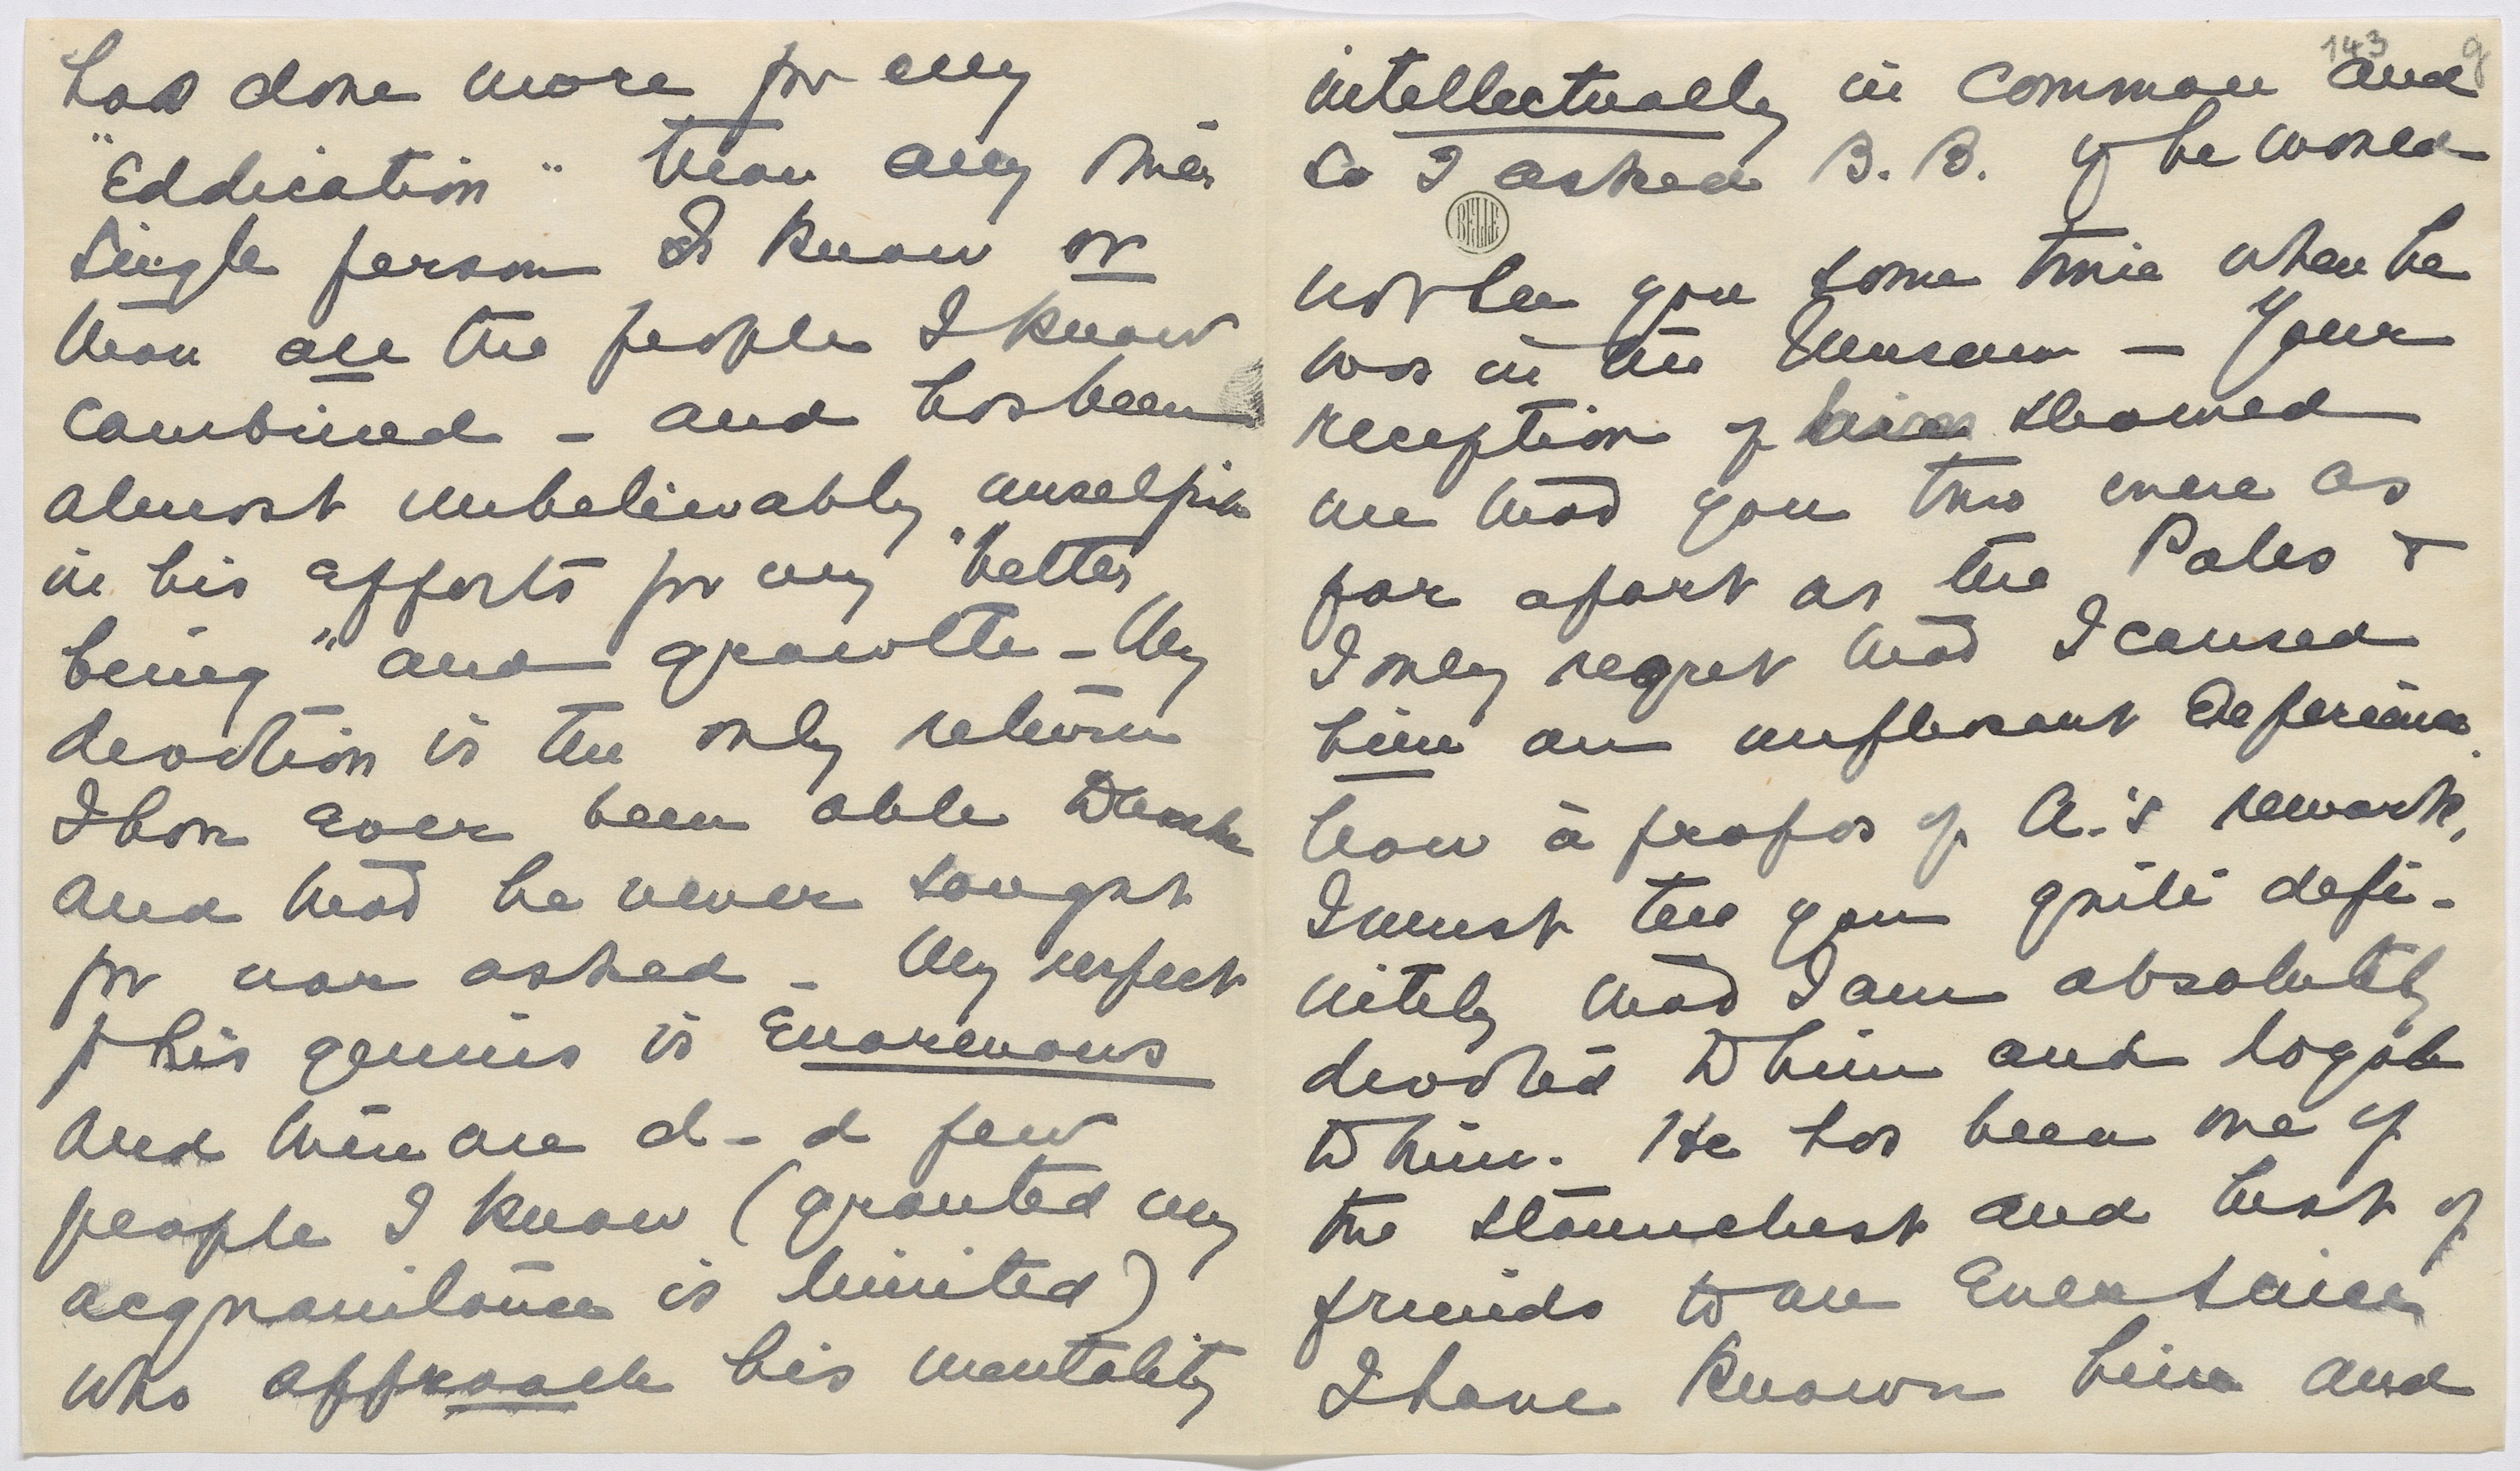intellectually in common and so I asked B.B. if he would not see you some time when he was in the Museum – Your reception of him showed me that you two were as far apart as the Poles & I only regret that I caused him an unpleasant experience. Now à propos of A.’s remark, I must tell you quite definitely that I am absolutely devoted to him and loyal to him. He has been one of the staunchest and best of friends to me ever since I have known him and
has done more for my “Edification” than any other single person I know or than all the people I know combined – and has been almost unbelievably unselfish in his efforts for my “better being” and growth – My devotion is the only return I have ever been able to make and that he never sought for nor asked – My respect for his genius is enormous and there are d___d few people I know (granted my acquaintance is limited) who approach his mentality